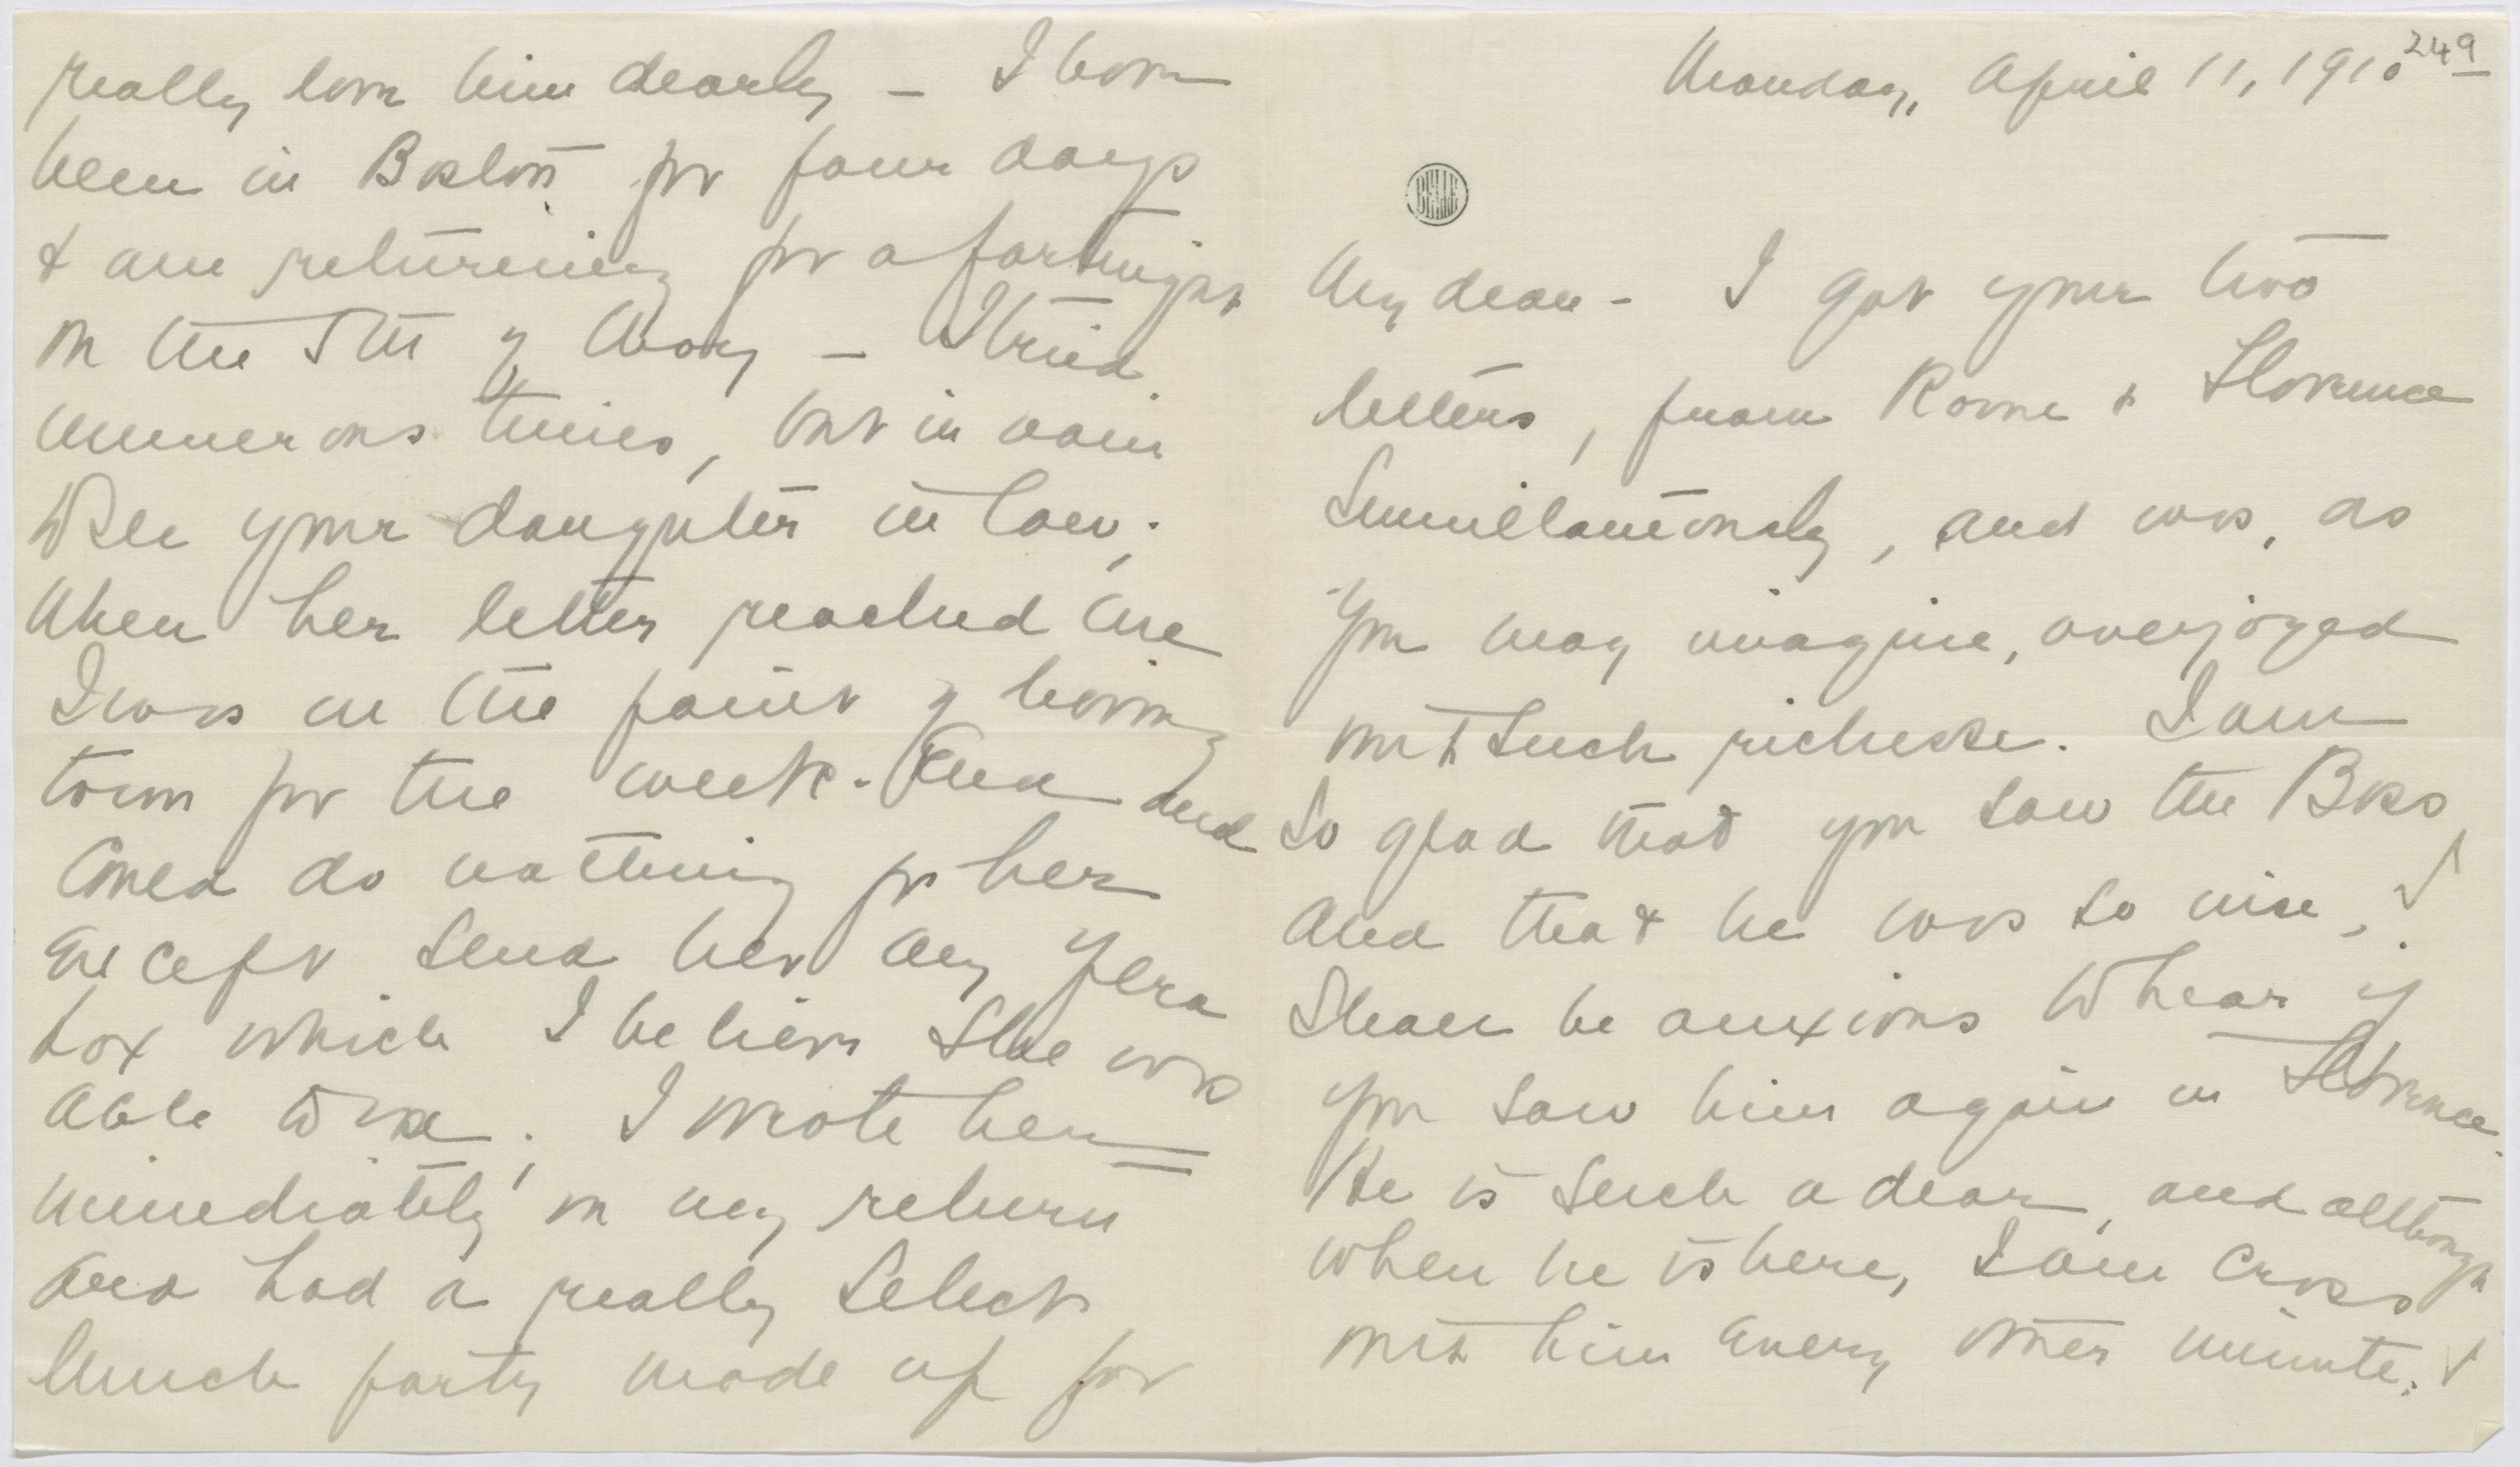Monday, April 11, 1910 –
My dear – I got your two letters, from Rome & Florence Simultaneously, and was, as you may imagine, overjoyed with such richesse. I am so glad that you saw the Boss and that he was so wise, I shall be anxious to hear if you saw him again in Florence. He is such a dear, and although when he is here, I am cross with him every other minute. I
really love him dearly – I have been in Boston for four days & am returning for a fortnight on the 5th of May – I tried numerous times, but in vain to see your daughter in law; when her letter reached me I was at the point of leaving town for the week-end and could do nothing for her except lend her my opera box which I believe she was able to use; I wrote her immediately on my return and had a really select lunch party made up for